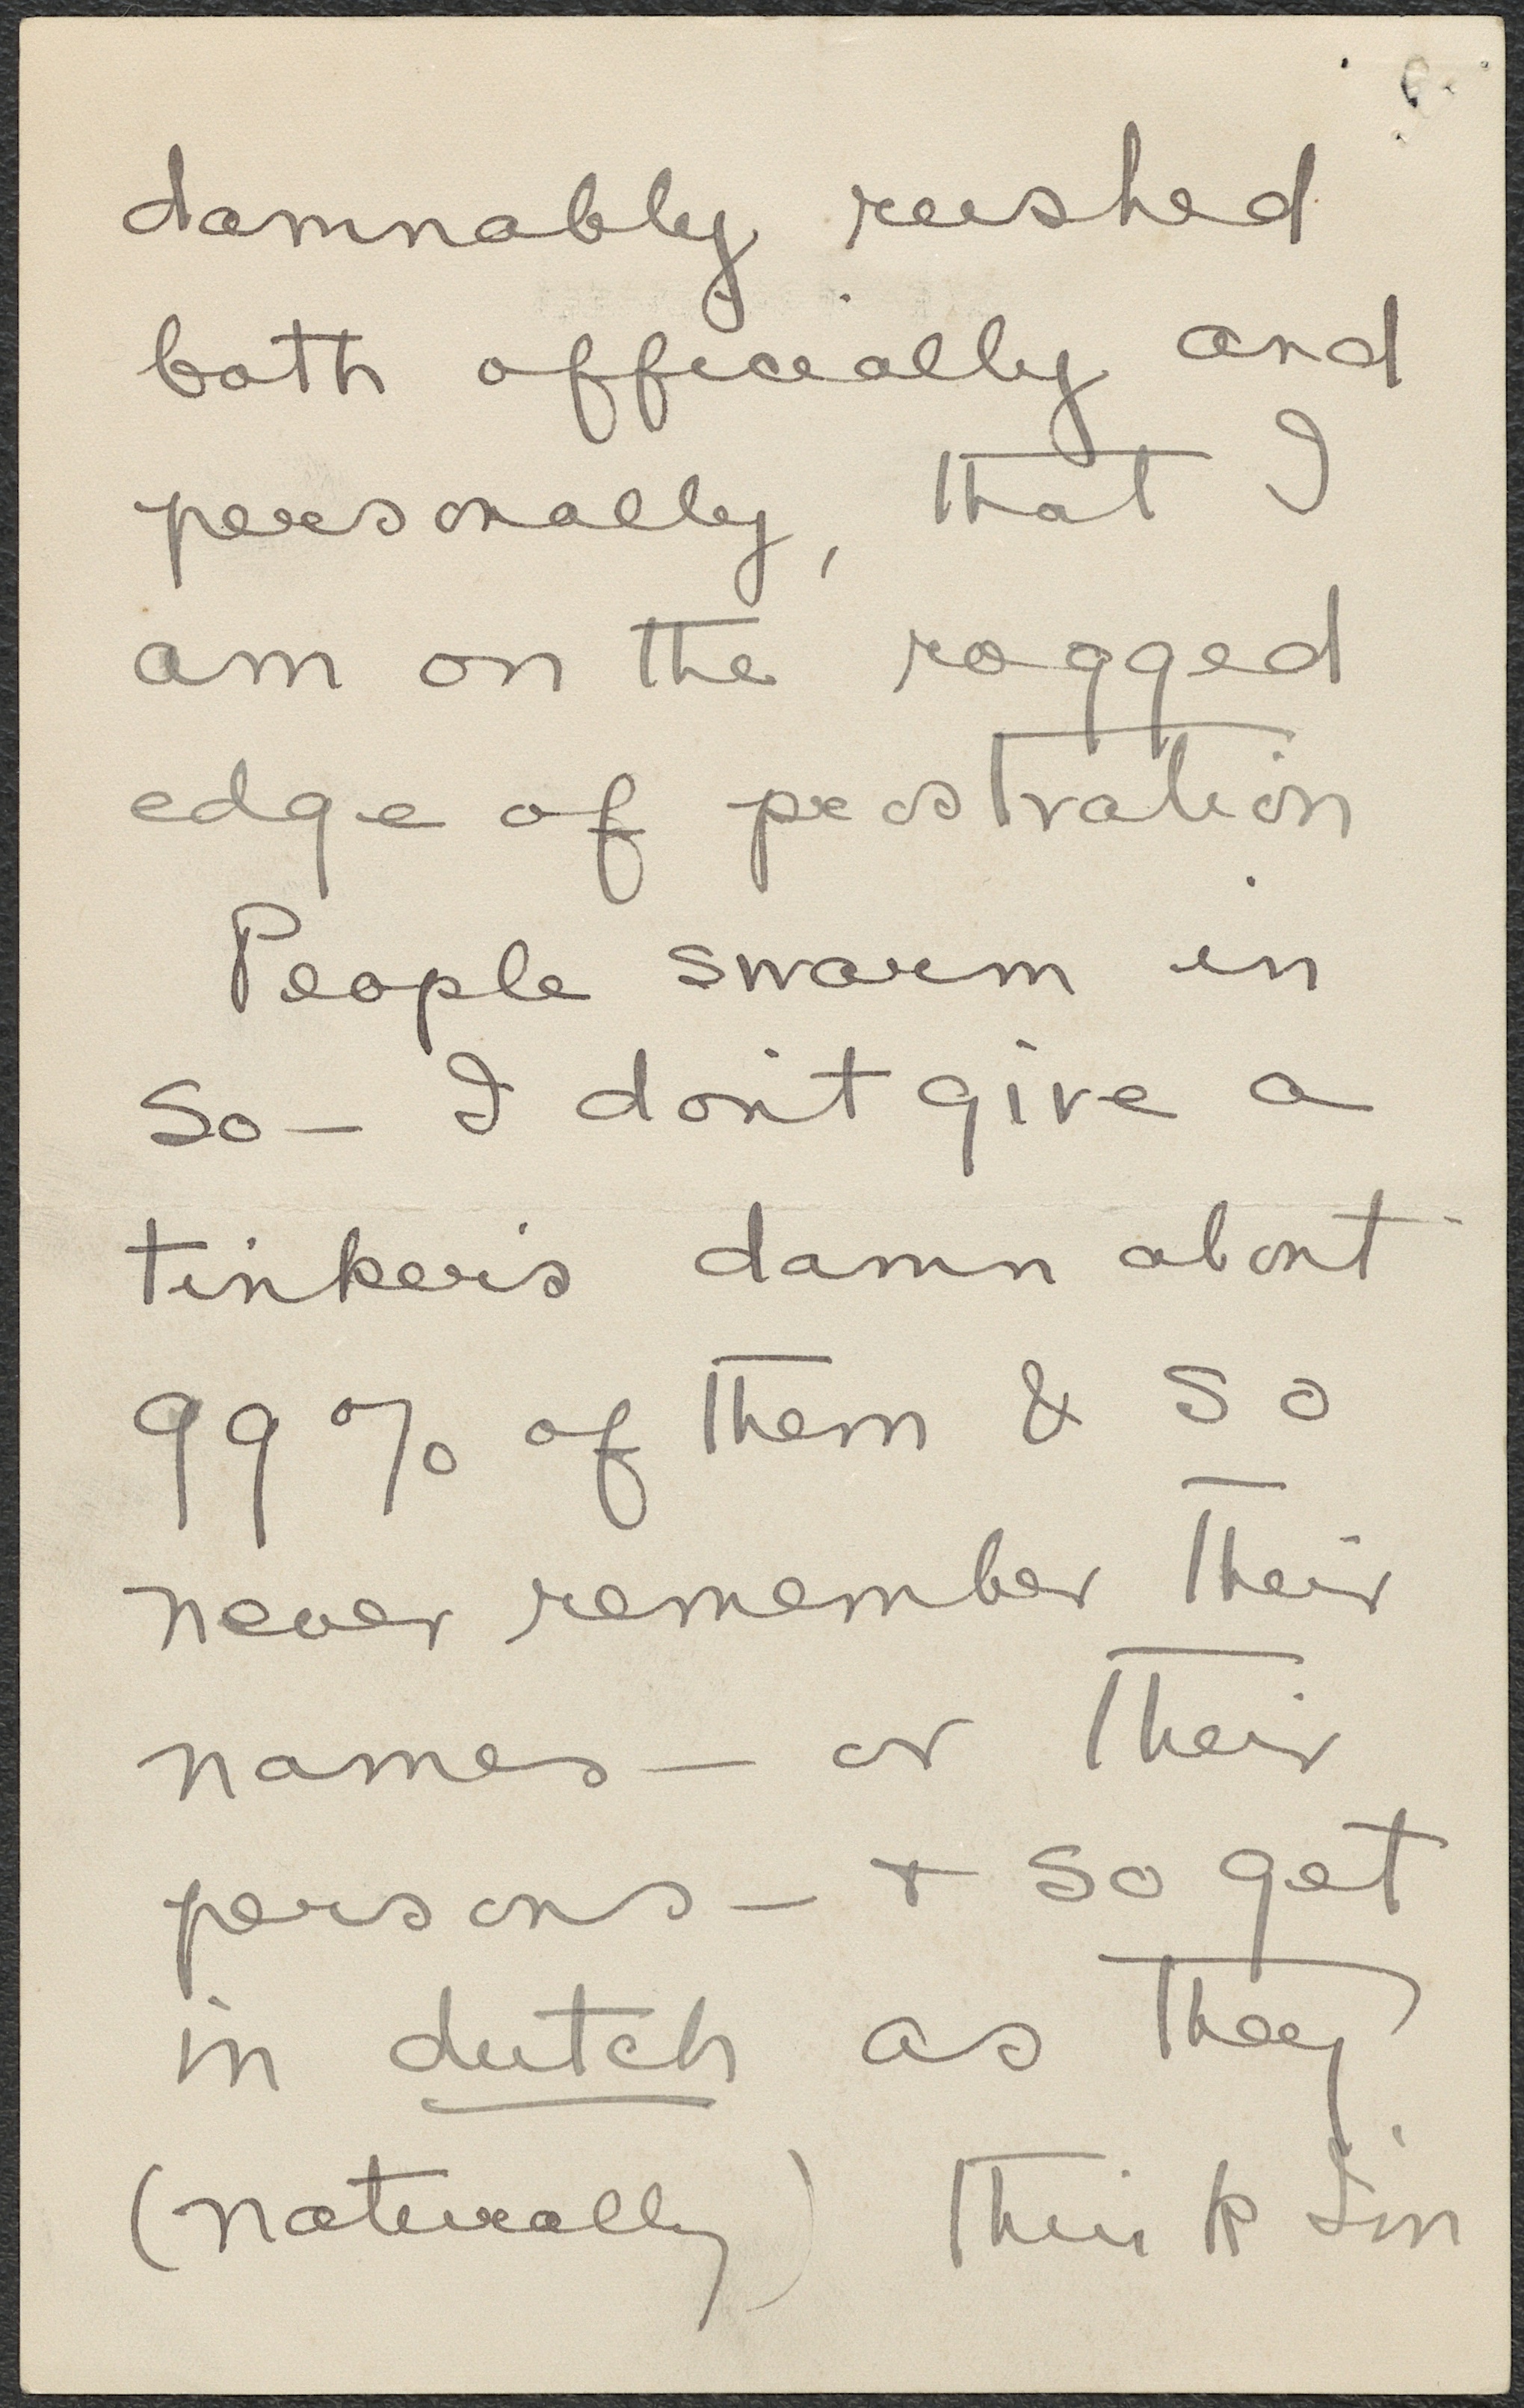damnably rushed both officially and personally, that I am on the rugged edge of prostration
People swarm in so – I don’t give a tinker’s damn about 99% of them & so never remember their names – or their persons – & so get in dutch as they (naturally) think I’m